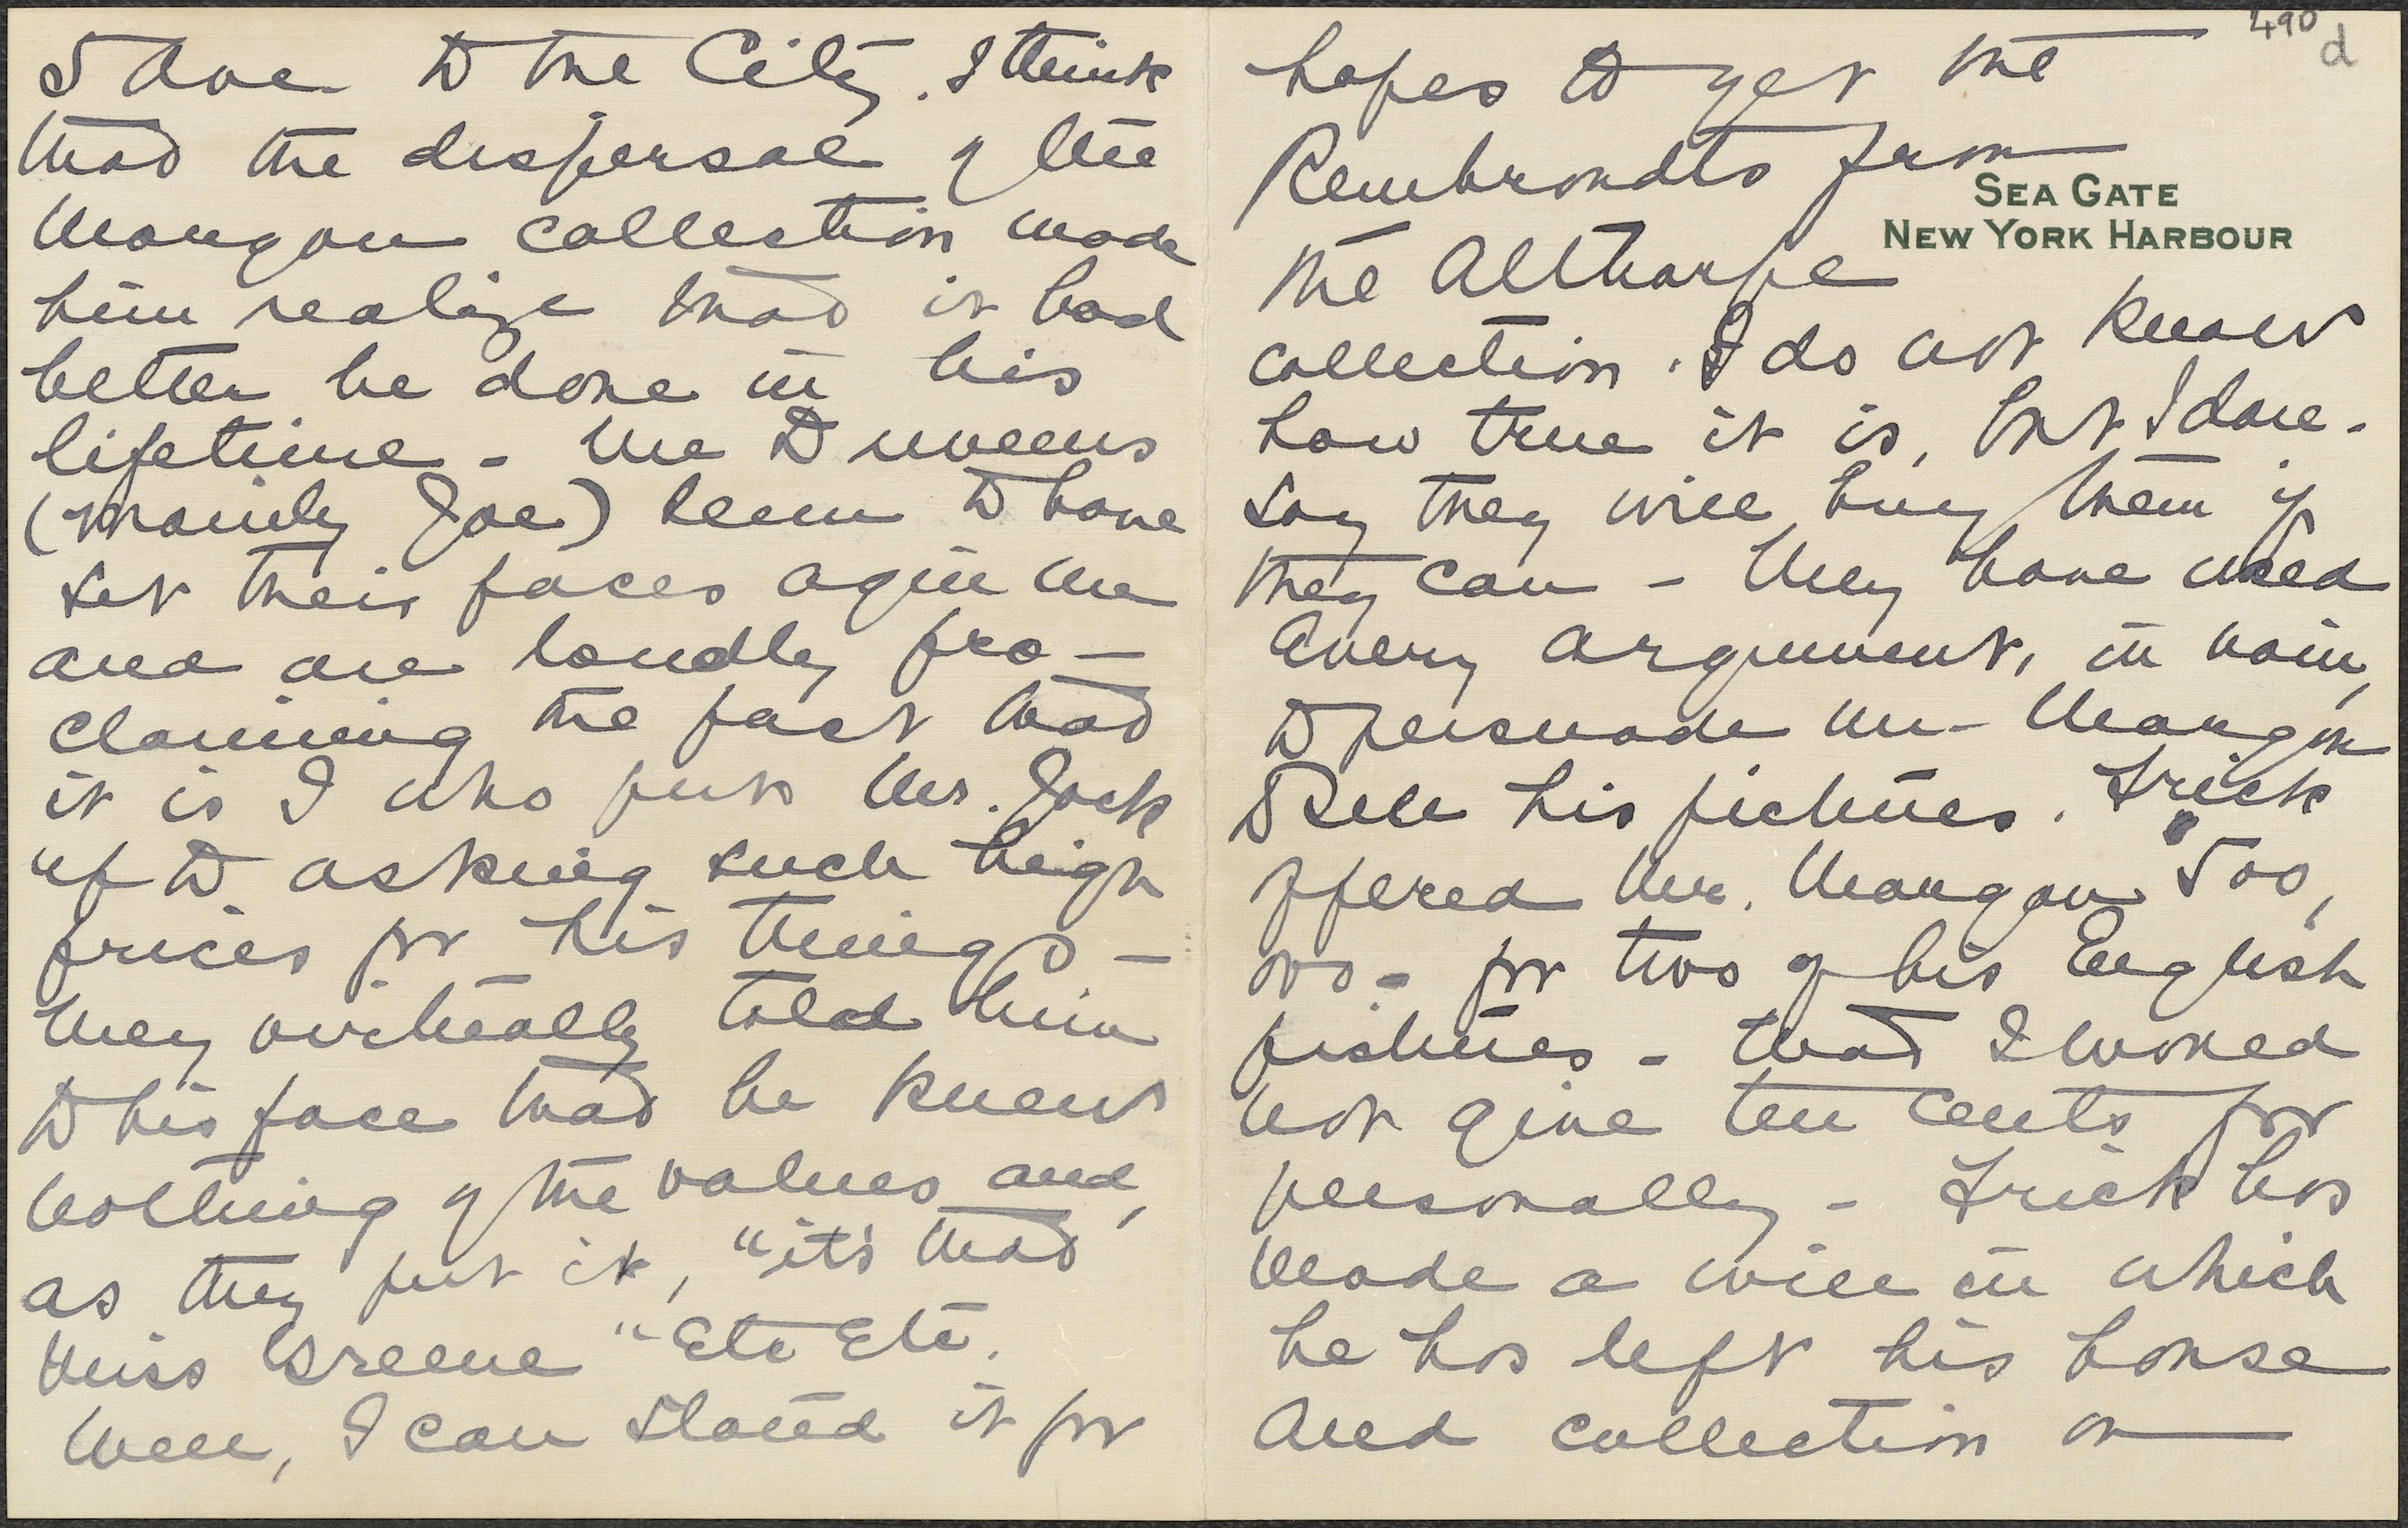hopes to get the Rembrandts from the Althorpe collection. I do not know how true it is, but I dare say they will buy them if they can – They have used every argument, in vain, to persuade Mr. Morgan to sell his pictures. Frick offered Mr. Morgan $500,000 – for two of his English pictures – that I would not give ten cents for personally – Frick has made a will in which he has left his house and collection on
5 Ave to the City. I think that the dispersal of the Morgan collection made him realize that it had better be done in his lifetime – The Duveens (mainly Joe) seem to have set their faces agin me and are loudly proclaiming the fact that it is I who put Mr. Jack up to asking such high prices for his things – they virtually told him to his face that he knew nothing of the values and, as they put it, "it's that Miss Greene" etc etc.
Well, I can stand it for